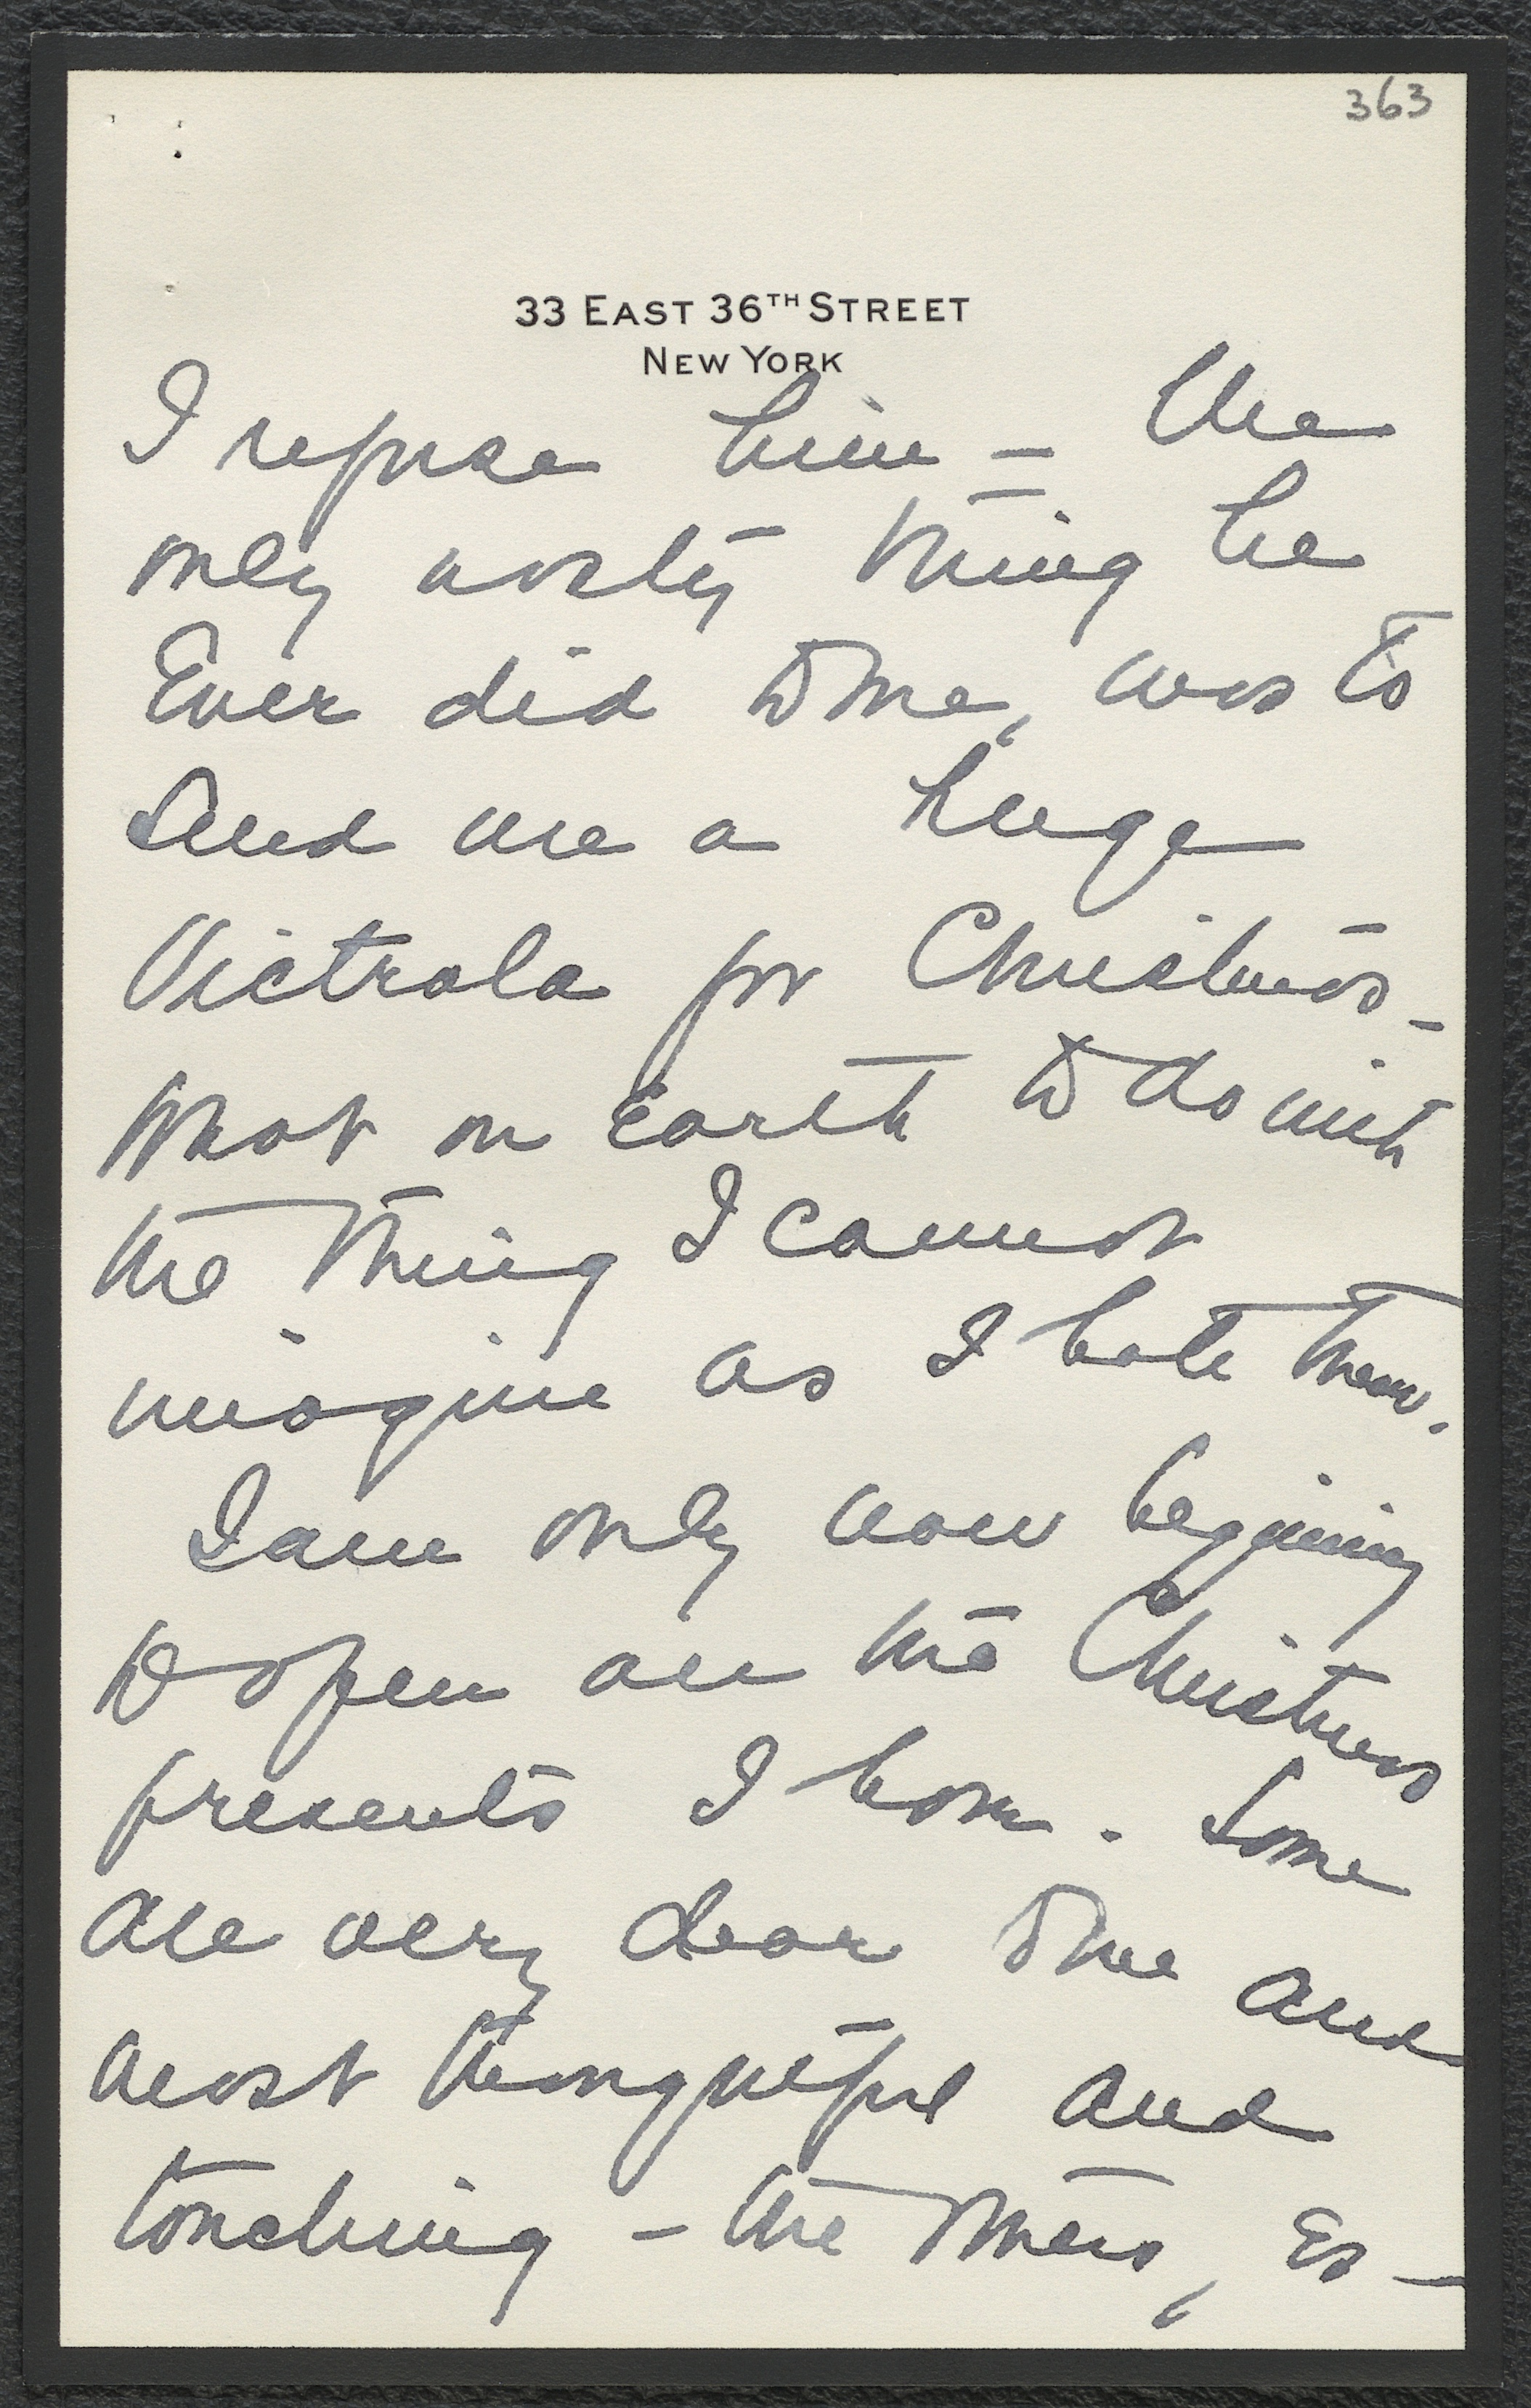I refuse him – the only nasty thing he ever did to me, was to send me a huge Victrola for Christmas – what on Earth to do with the thing I cannot imagine as I hate them.
I am only now beginning to open all the Christmas presents I have. Some are very dear to me and most thoughtful and touching – the others, especially